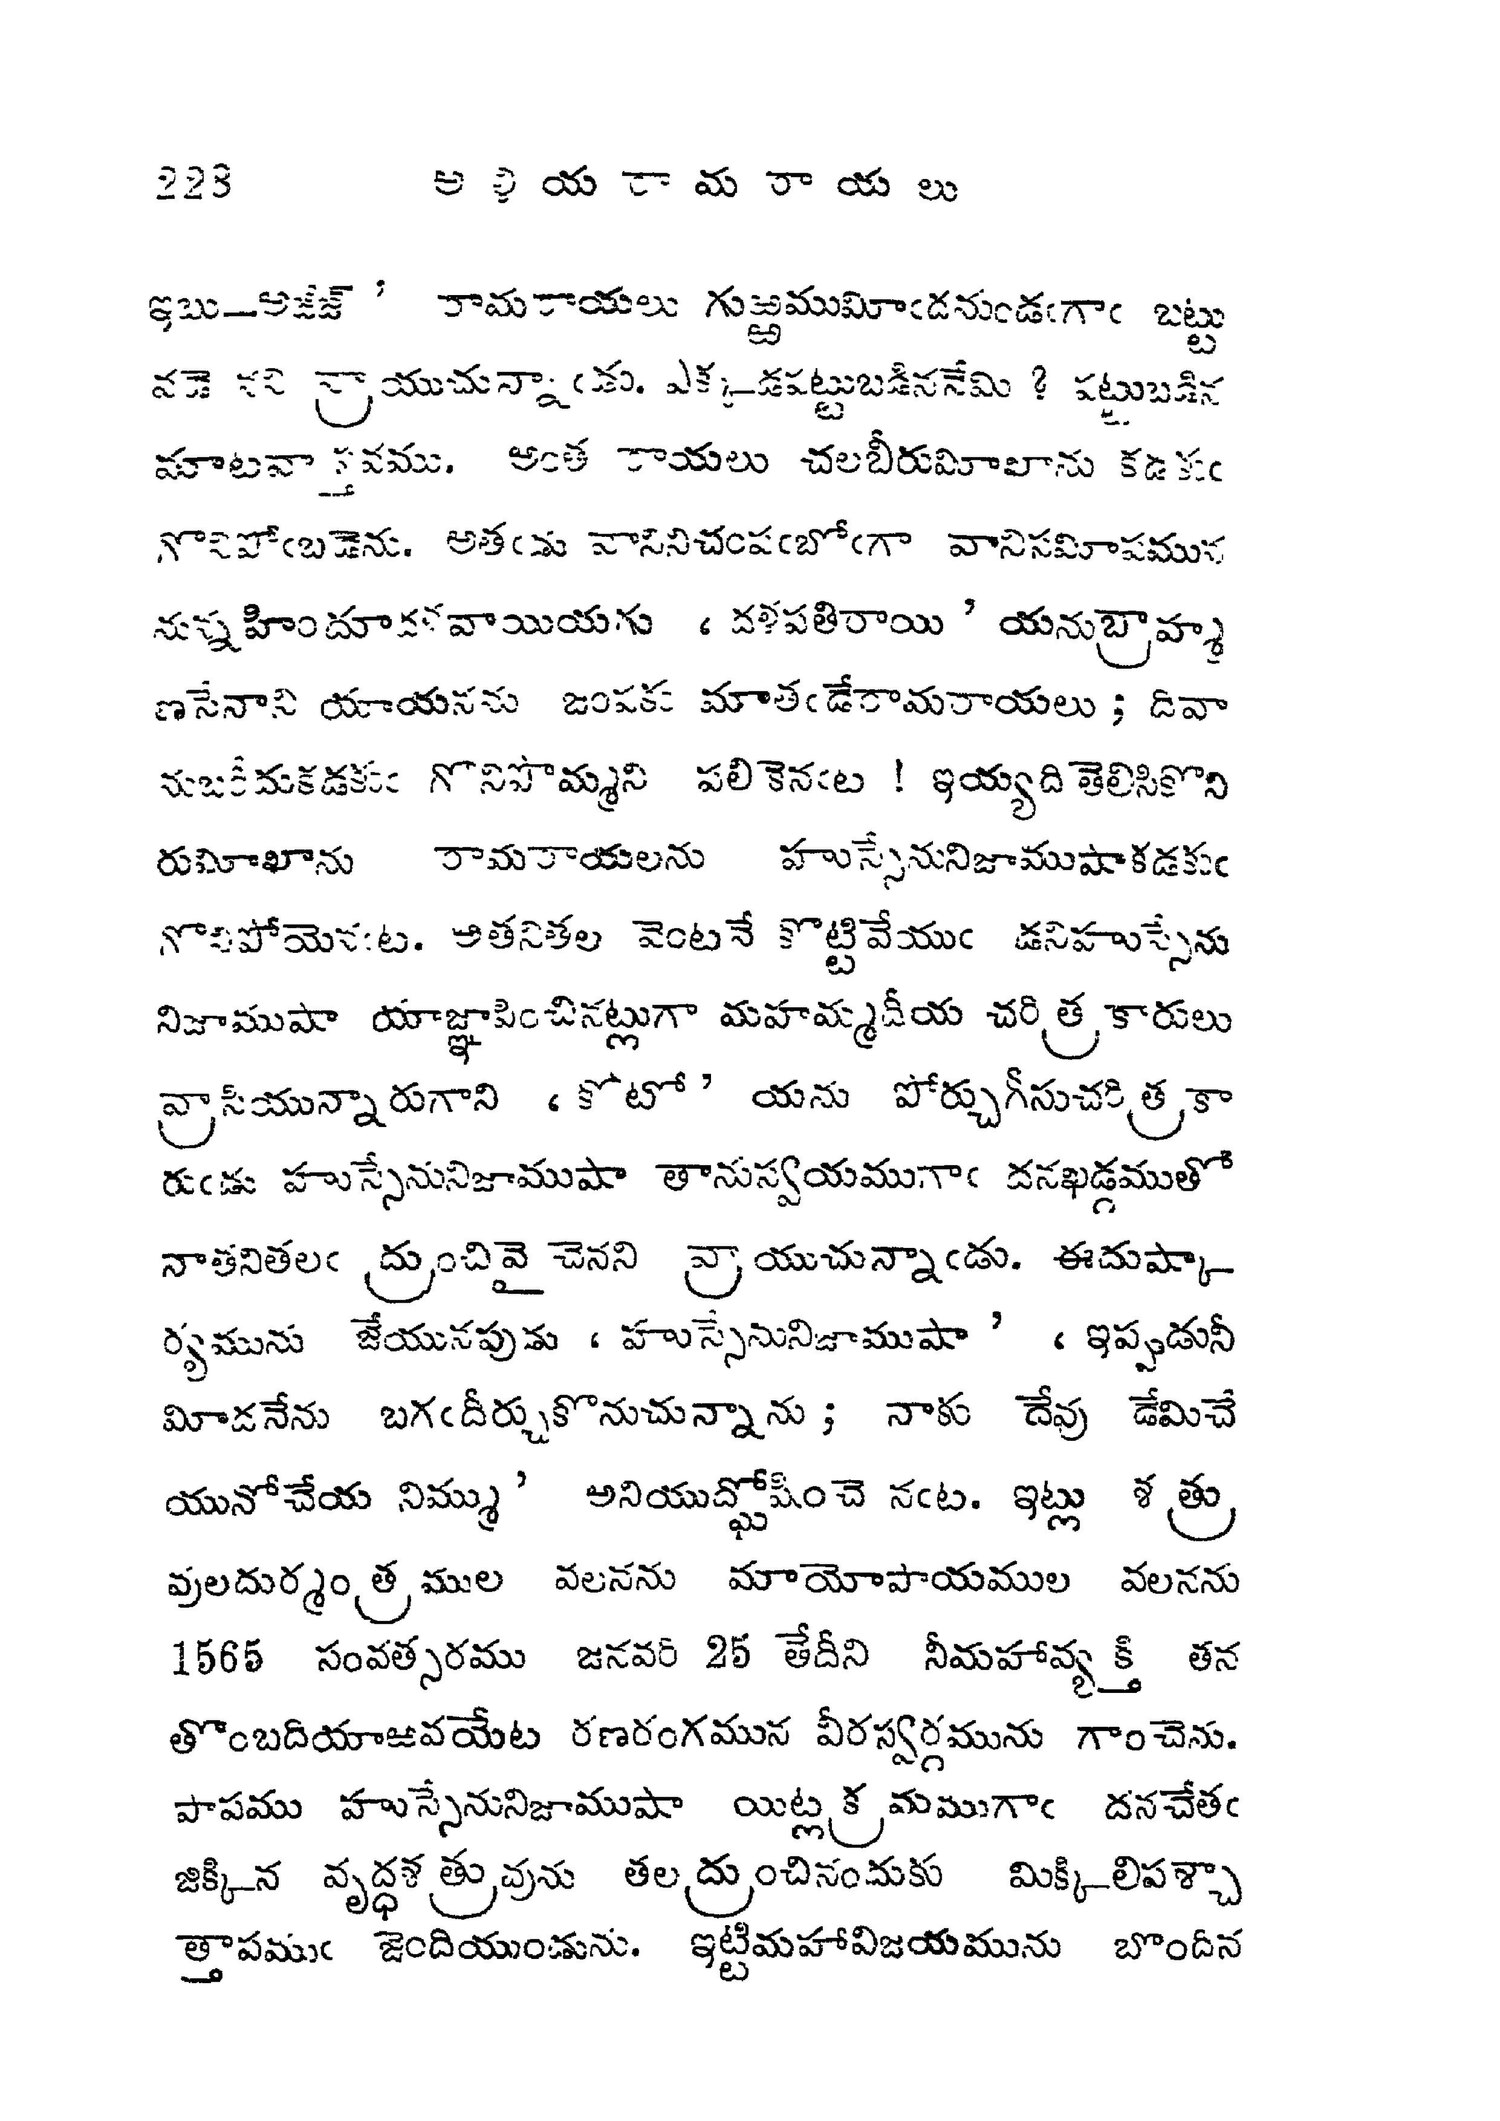ఇబు - అజీజ్‌' రామరాయలు గుఱ్ఱముమీదనుండగా బట్టువడె నని వ్రాయుచున్నాడు. ఎక్కడపట్టుబడిననేమి ? పట్టుబడినమాట వాస్తవము. అంత రాయలు చలబీరుమిలాను కడకు గొనిపోబడెను. అతడు వానినిచంపబోగా వానిసమీపమున నున్న హిందూదళవాయియగు 'దళపతిరాయి' యనుబ్రాహ్మణసేనాని యాయనను జంపకు మాతడేరామరాయలు; దివానుబరీదుకడకు గొనిపొమ్మని పలికెనట ! ఇయ్యది తెలిసికొని రుమీఖాను రామరాయలను హుస్సేనునిజాముషాకడకు గొనిపోయెనట. అతనితల వెంటనే కొట్టివేయు డనిహుస్సేనునిజాముషా యాజ్ఞాపించినట్లుగా మహమ్మదీయ చరిత్రకారులు వ్రాసియున్నారుగాని 'కోటో' యను పోర్చుగీసుచరిత్రకారుడు హుస్సేనునిజాముషా తానుస్వయముగా దనఖడ్గముతో నాతనితల ద్రుంచివైచెనని వ్రాయుచున్నాడు. ఈదుష్కార్యమును జేయునపుడు 'హుస్సేనునిజాముషా' 'ఇప్పడునీమీదనేను బగదీర్చుకొనుచున్నాను; నాకు దేవు డేమిచేయునోచేయ నిమ్ము' అనియుద్ఘోషించె నట. ఇట్లు శత్రువులదుర్మంత్రముల వలనను మాయోపాయముల వలనను 1565 సంవత్సరము జనవరి 25 తేదీని నీమహావ్యక్తి తన తొంబదియాఱవయేట రణరంగమున వీరస్వర్గమును గాంచెను. పాపము హుస్సేనునిజాముషా యిట్లక్రమముగా దనచేత జిక్కిన వృద్ధశత్రువును తలద్రుంచినందుకు మిక్కిలిపశ్చాత్తాపము జెందియుండును. ఇట్టిమహావిజయమును బొందిన